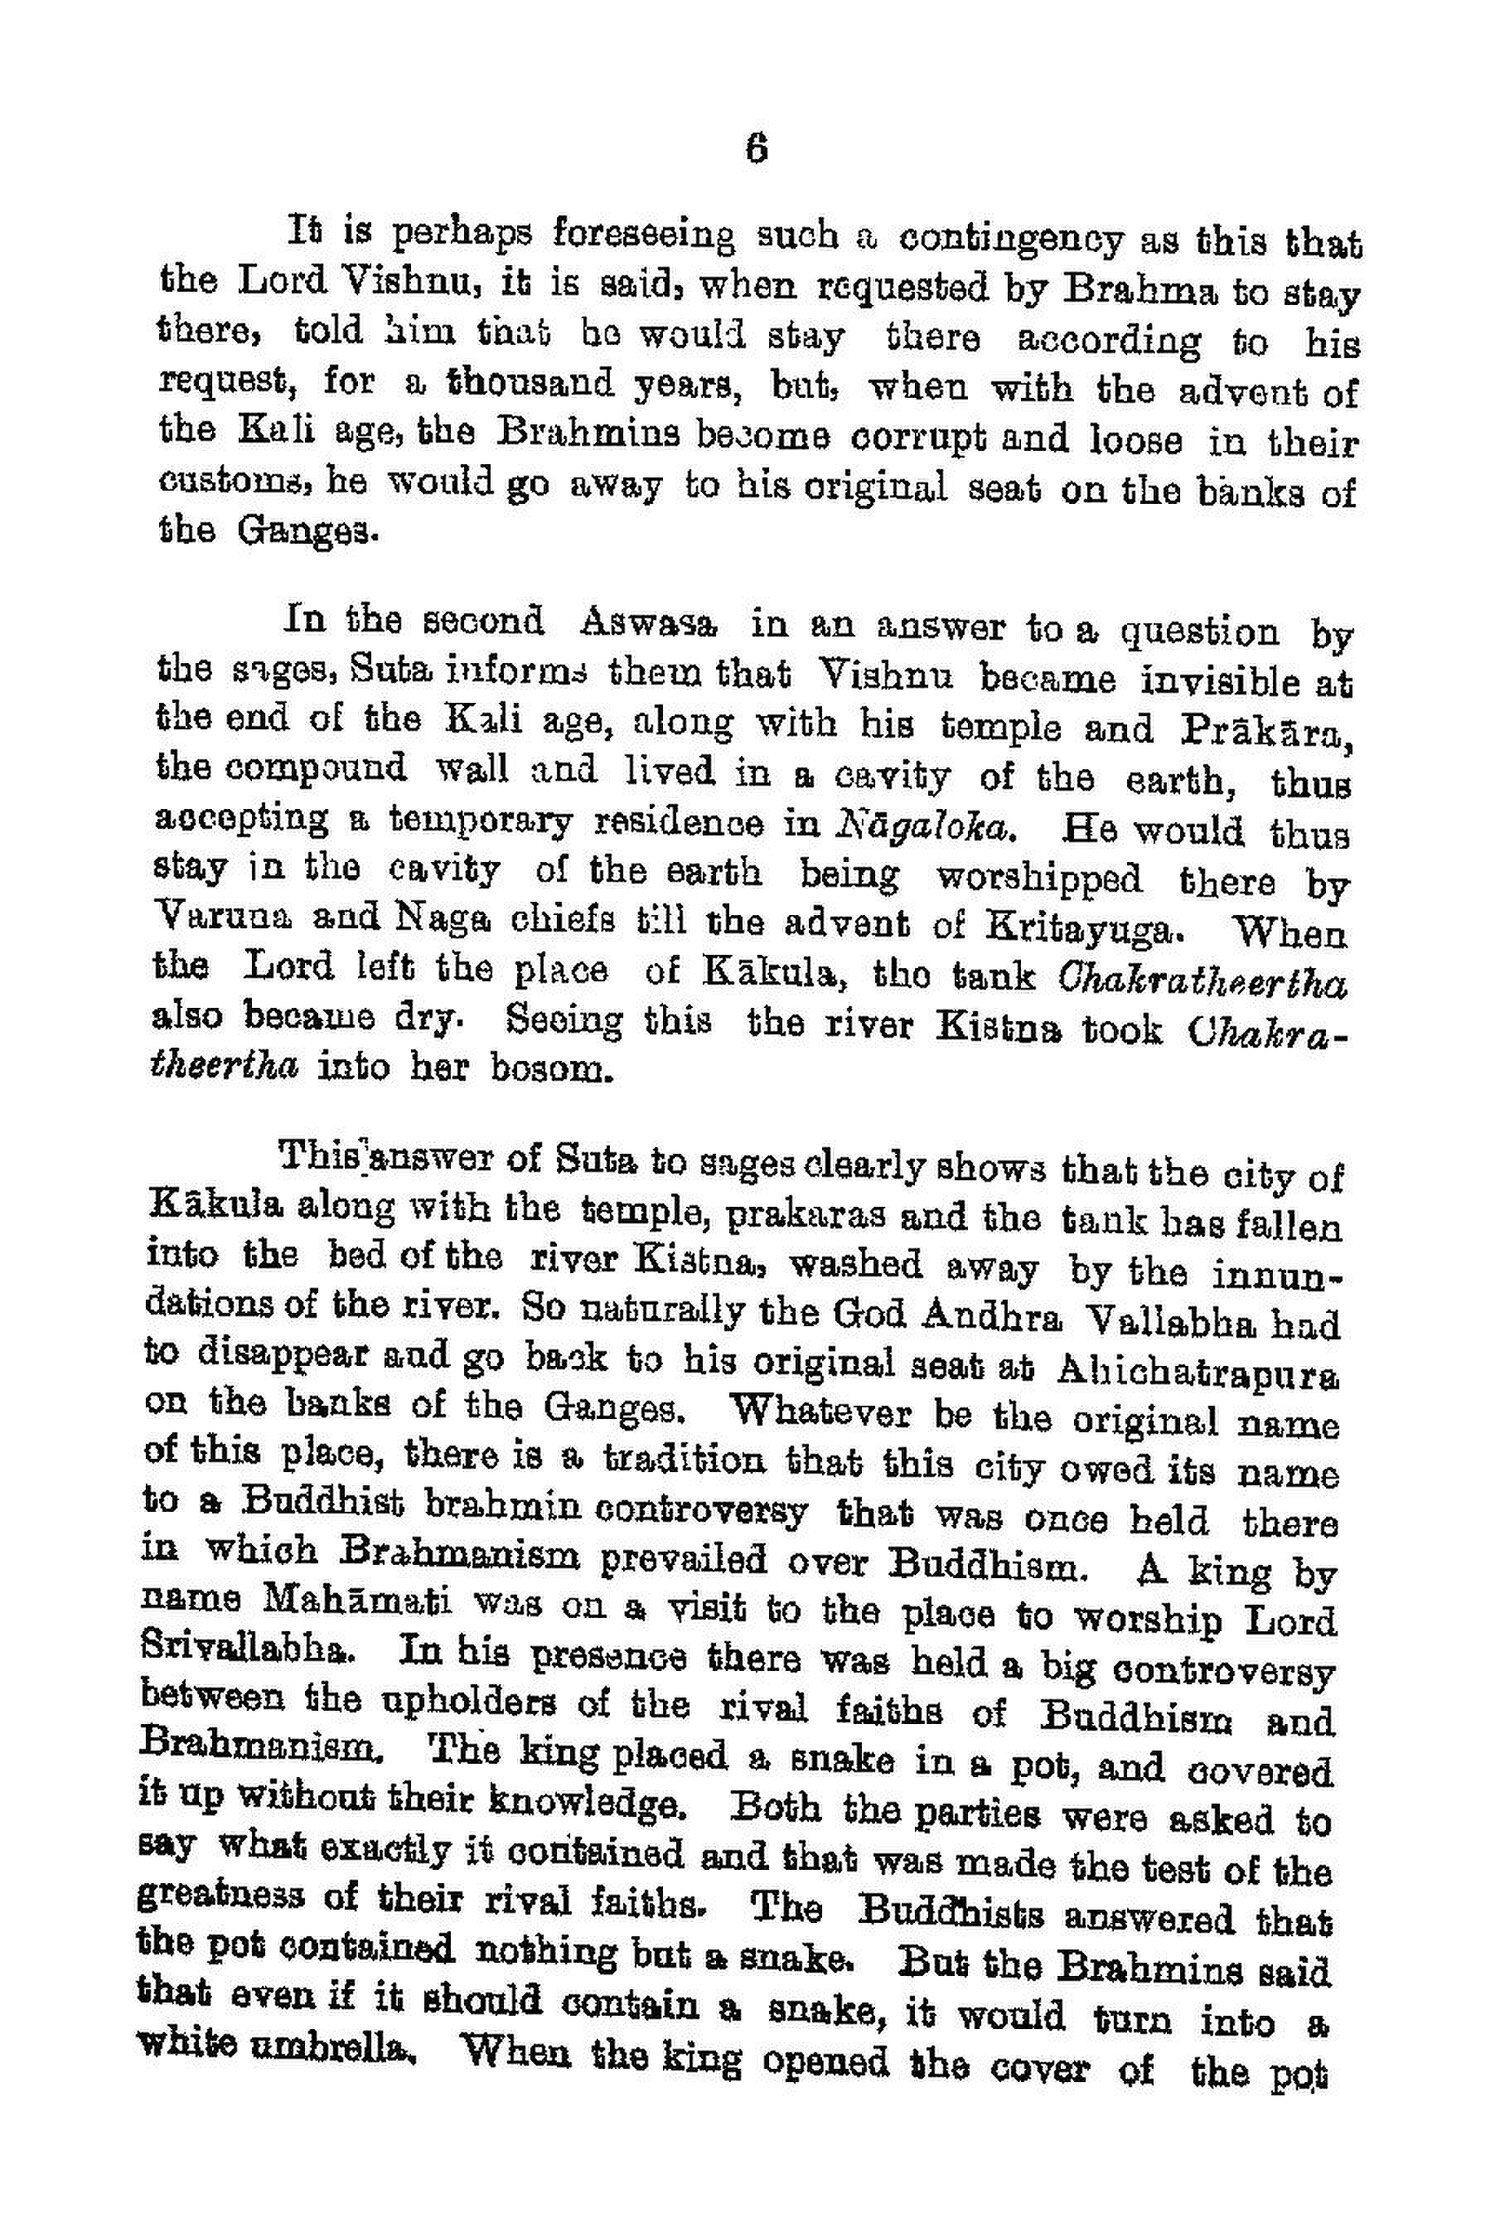It is perhaps foreseeing such a contingency as this that the Lord Vishnu, it is said, when requested by Brahma to stay there, told him that he would stay there according to his request, for a thousand years, but, when with the advent of the Kali age, the Brahmins become corrupt and loose in their
customs, he would go away to his original seat on the banks of the Ganges.

In the second Aswasa in an answer to a question by the sages, Suta informs them that Vishnu became invisible at the end of the Kali age, along with his temple and Präkāra, the compound wall and lived in a cavity of the earth, thus accepting a temporary residence in Nāgaloka. He would thus
stay in the cavity of the earth being worshipped there by Varuna and Naga chiefs till the advent of Kritayuga. When the Lord left the place of Kakula, tho tank Chakratheerthaalso became dry. Seeing this the river Kistna took Chakratheertha into her bosom.

This answer of Suta to sages clearly shows that the city of Kǎkula along with the temple, prakaras and the tank has fallen into the bed of the river Kistna, washed away by the innundations of the river. So naturally the God Andhra Vallabha had to disappear and go back to his original seat at Ahichatrapura
on the banks of the Ganges. Whatever be the original name of this place, there is a tradition that this city owed its name to a Buddhist brahmin controversy that was once held there in which Brahmanism prevailed over Buddhism. A king by name Mahāmati was on a visit to the place to worship Lord
Srivallabha. In his presence there was held a big controversy between the upholders of the rival faiths of Buddhism and Brahmanism. The king placed a snake in a pot, and covered it up without their knowledge. Both the parties were asked to say what exactly it contained and that was made the test of the greatness of their rival faiths. The Buddhists answered that the pot contained nothing but a snake. But the Brahmins said that even if it should contain a snake, it would turn into & white umbrella. When the king opened the cover of the pot